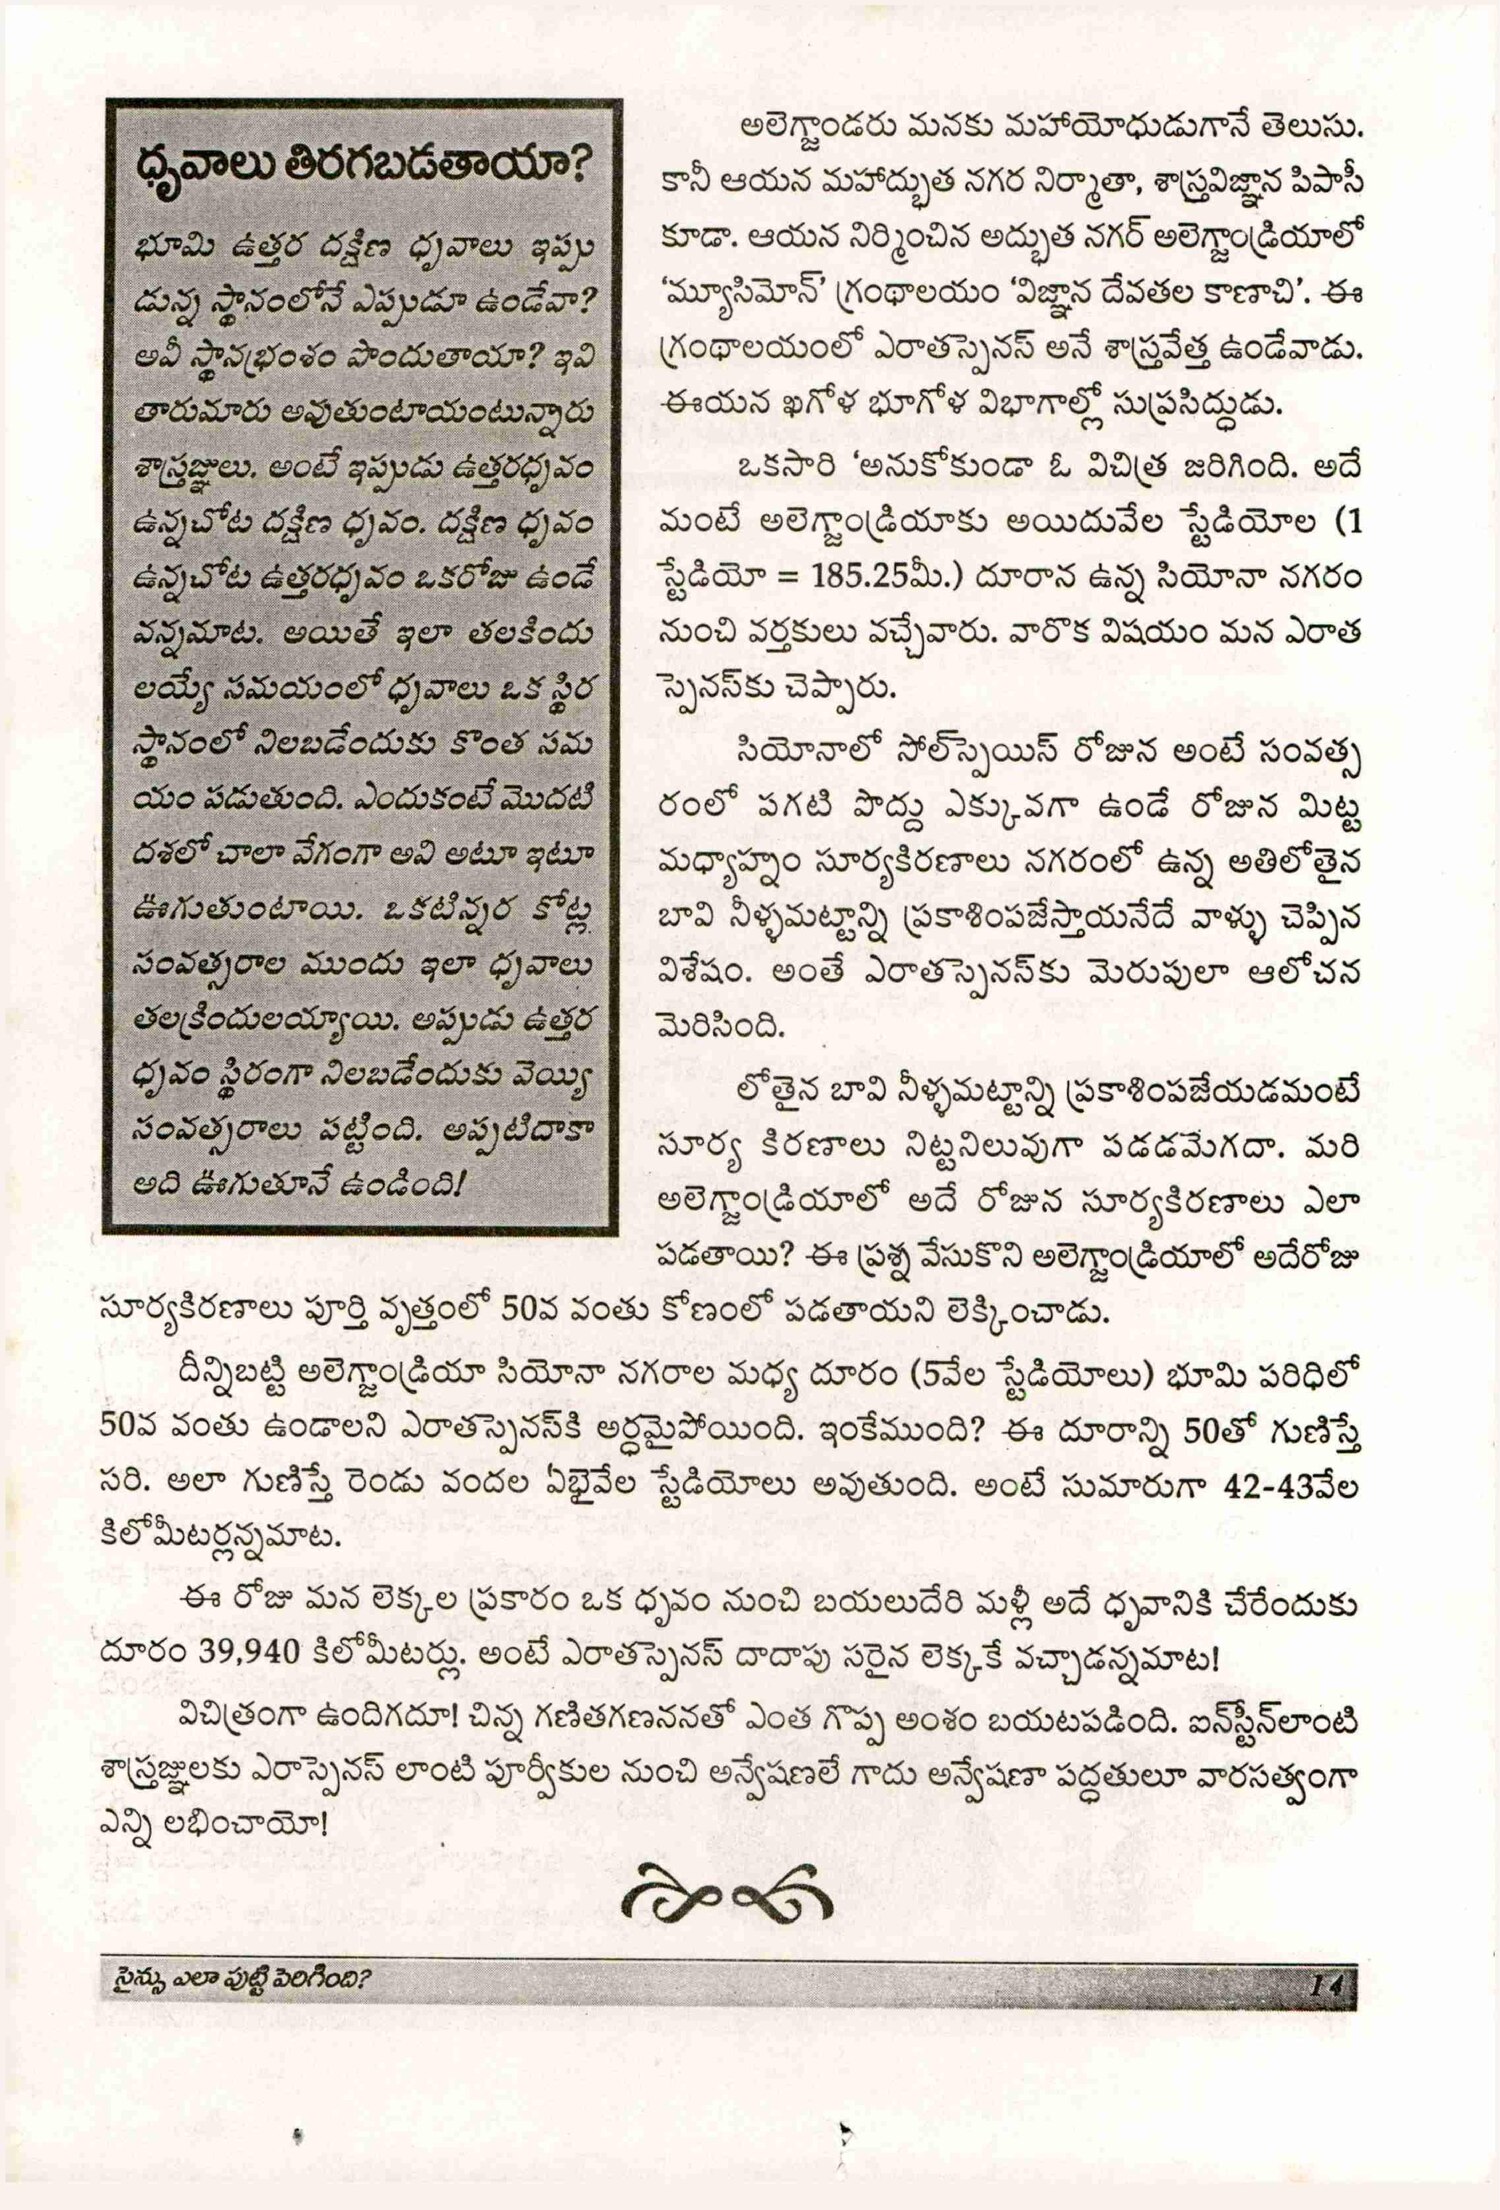ధృవాలు తిరగబడతాయా?

భూమి ఉత్తర దక్షిణ ధృవాలు ఇప్పుడున్న స్థానంలోనే ఎప్పుడూ ఉండేవా? అవీ స్థానభ్రంశం పొందుతాయా? ఇవి
తారుమారు అవుతుంటాయంటున్నారు శాస్త్రజ్ఞులు. అంటే ఇప్పుడు ఉత్తరధృవం ఉన్నచోట దక్షిణ ధృవం. దక్షిణ ధృవం ఉన్నచోట ఉత్తరధృవం ఒకరోజు ఉండే వన్నమాట. అయితే ఇలా తలకిందు లయ్యే సమయంలో ధృవాలు ఒక స్థిరస్థానంలో నిలబడేందుకు కొంత సమయం పడుతుంది. ఎందుకంటే మొదటి దశలో చాలా వేగంగా అవి అటూ ఇటూ ఊగుతుంటాయి. ఒకటిన్నర కోట్ల సంవత్సరాల ముందు ఇలా ధృవాలు తలక్రిందులయ్యాయి. అప్పుడు ఉత్తర
ధృవం స్థిరంగా నిలబడేందుకు వెయ్యి సంవత్సరాలు పట్టింది. అప్పటిదాకా అది ఊగుతూనే ఉండింది!

అలెగ్జాండరు మనకు మహాయోధుడుగానే తెలుసు. కానీ ఆయన మహాద్భుత నగర నిర్మాతా, శాస్త్రవిజ్ఞాన పిపాసీ కూడా. ఆయన నిర్మించిన అద్భుత నగర్ అలెగ్జాండ్రియాలో 'మ్యూసిమోన్' గ్రంథాలయం 'విజ్ఞాన దేవతల కాణాచి'. ఈ గ్రంథాలయంలో ఎరాతస్పెనస్ అనే శాస్త్రవేత్త ఉండేవాడు. ఈయన ఖగోళ భూగోళ విభాగాల్లో సుప్రసిద్ధుడు.

ఒకసారి 'అనుకోకుండా ఓ విచిత్ర జరిగింది. అదేమంటే అలెగ్జాండ్రియాకు అయిదువేల స్టేడియోల (1 స్టేడియో = 185.25మీ.) దూరాన ఉన్న సియోనా నగరం నుంచి వర్తకులు వచ్చేవారు. వారొక విషయం మన ఎరాతస్పెనస్‌కు చెప్పారు.

సియోనాలో సోల్‌స్పెయిస్ రోజున అంటే సంవత్సరంలో పగటి పొద్దు ఎక్కువగా ఉండే రోజున మిట్ట మధ్యాహ్నం సూర్యకిరణాలు నగరంలో ఉన్న అతిలోతైన బావి నీళ్ళమట్టాన్ని ప్రకాశింపజేస్తాయనేదే వాళ్ళు చెప్పిన విశేషం. అంతే ఎరాతస్పెనస్‌కు మెరుపులా ఆలోచన మెరిసింది.

లోతైన బావి నీళ్ళమట్టాన్ని ప్రకాశింపజేయడమంటే సూర్య కిరణాలు నిట్టనిలువుగా పడడమేగదా. మరి
అలెగ్జాండ్రియాలో అదే రోజున సూర్యకిరణాలు ఎలా పడతాయి? ఈ ప్రశ్న వేసుకొని అలెగ్జాండ్రియాలో అదేరోజు
సూర్యకిరణాలు పూర్తి వృత్తంలో 50వ వంతు కోణంలో పడతాయని లెక్కించాడు.

దీన్నిబట్టి అలెగ్జాండ్రియా సియోనా నగరాల మధ్య దూరం (5వేల స్టేడియోలు) భూమి పరిధిలో 50వ వంతు ఉండాలని ఎరాతస్పెనస్‌కి అర్ధమైపోయింది. ఇంకేముంది? ఈ దూరాన్ని 50తో గుణిస్తే సరి. అలా గుణిస్తే రెండు వందల ఏభైవేల స్టేడియోలు అవుతుంది. అంటే సుమారుగా 42-43వేల కిలోమీటర్లన్నమాట.

ఈ రోజు మన లెక్కల ప్రకారం ఒక ధృవం నుంచి బయలుదేరి మళ్లీ అదే ధృవానికి చేరేందుకు దూరం 39,940 కిలోమీటర్లు. అంటే ఎరాతస్పెనస్ దాదాపు సరైన లెక్కకే వచ్చాడన్నమాట!

విచిత్రంగా ఉందిగదూ! చిన్న గణితగణననతో ఎంత గొప్ప అంశం బయటపడింది. ఐన్‌స్టీన్‌లాంటి శాస్త్రజ్ఞులకు ఎరాస్పెనస్ లాంటి పూర్వీకుల నుంచి అన్వేషణలే గాదు అన్వేషణా పద్ధతులూ వారసత్వంగా ఎన్ని లభించాయో!